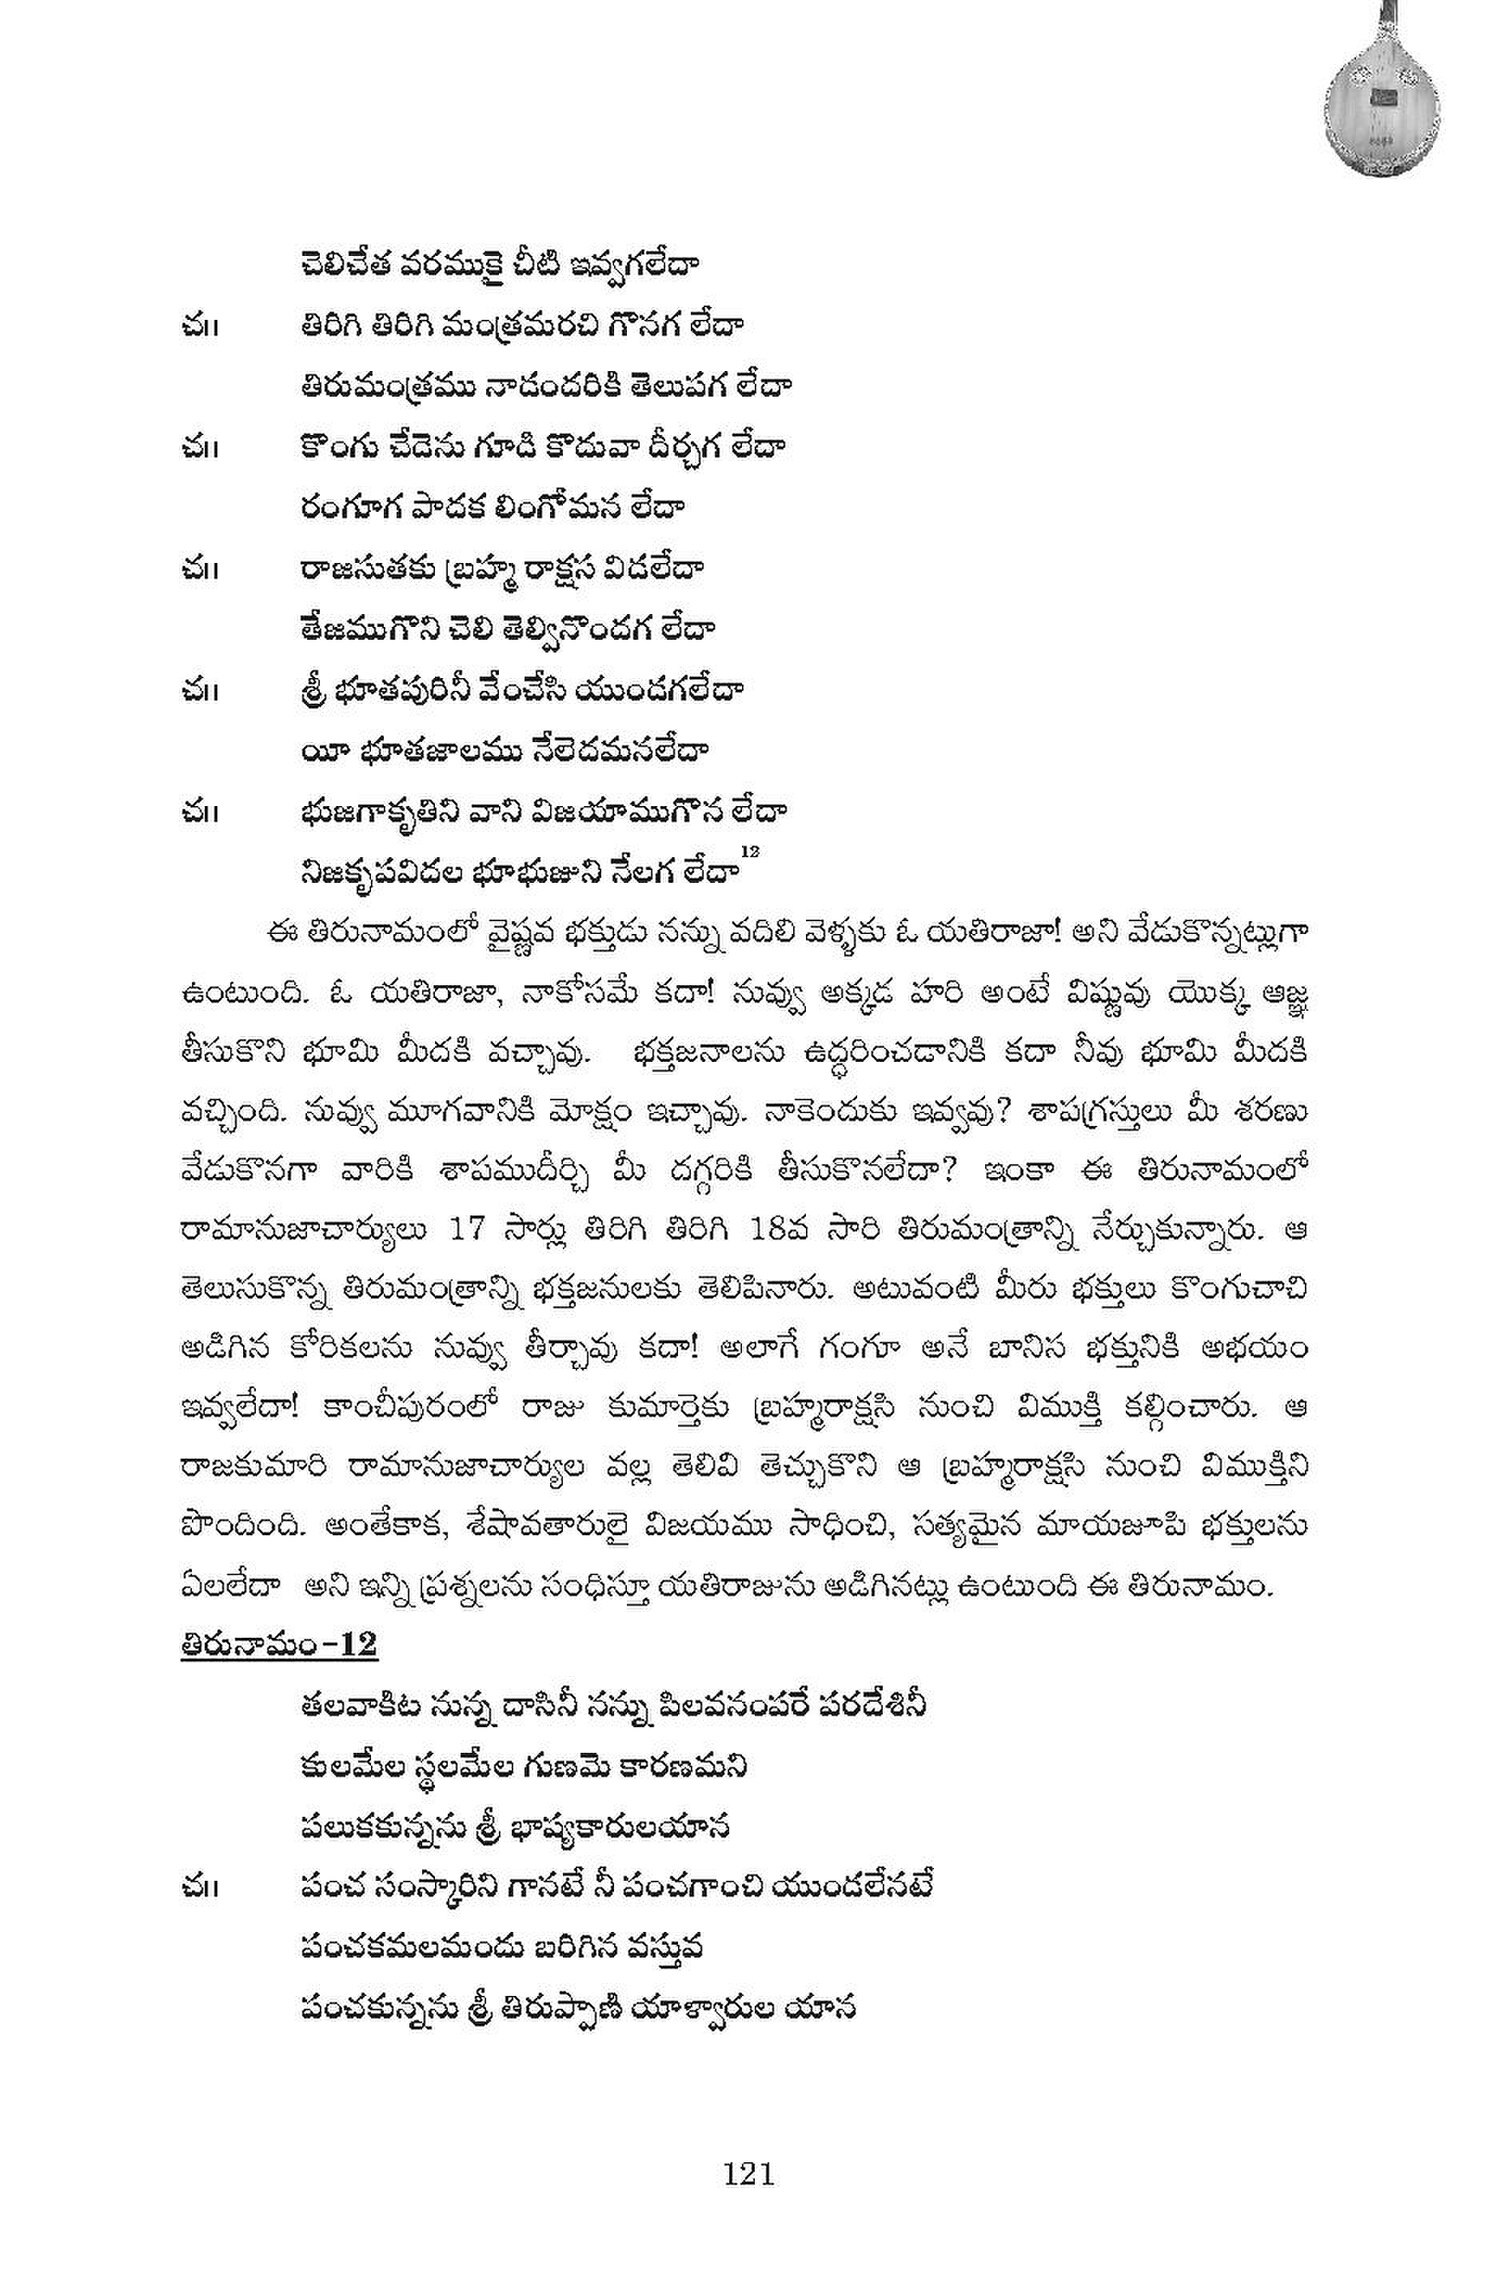చెలిచేత వరముకై చీటి ఇవ్వగలేదా

చ౹౹ తిరిగి తిరిగి మంత్రమరచి గొనగ లేదా
తిరుమంత్రము నాడందరికి తెలుపగ లేదా

చ౹౹ కొంగు చేడెను గూడి కొదువా దీర్చగ లేదా
రంగూగ పాదక లింగోమన లేదా

చ౹౹ రాజసుతకు బ్రహ్మ రాక్షస విడలేదా
తేజముగొని చెలి తెల్వినొందగ లేదా

చ౹౹ శ్రీ భూతపురినీ వేంచేసి యుండగలేదా
యీ భూతజాలము నేలెదమనలేదా

చ౹౹ భుజగాకృతిని వాని విజయాముగొన లేదా
నిజకృపవిదల భూభుజుని నేలగ లేదా12

ఈ తిరునామంలో వైష్ణవ భక్తుడు నన్ను వదిలి వెళ్ళకు ఓ యతిరాజా! అని వేడుకొన్నట్లుగా ఉంటుంది. ఓ యతిరాజా, నాకోసమే కదా! నువ్వు అక్కడ హరి అంటే విష్ణువు యొక్క ఆజ్ఞ తీసుకొని భూమి మీదకి వచ్చావు. భక్తజనాలను ఉద్దరించడానికి కదా నీవు భూమి మీదకి వచ్చింది. నువ్వు మూగవానికి మోక్షం ఇచ్చావు. నాకెందుకు ఇవ్వవు? శాపగ్రస్తులు మీ శరణు వేడుకొనగా వారికి శాపముదీర్చి మీ దగ్గరికి తీసుకొనలేదా? ఇంకా ఈ తిరునామంలో రామానుజాచార్యులు 17 సార్లు తిరిగి తిరిగి 18వ సారి తిరుమంత్రాన్ని నేర్చుకున్నారు. ఆ తెలుసుకొన్న తిరుమంత్రాన్ని భక్తజనులకు తెలిపినారు. అటువంటి మీరు భక్తులు కొంగుచాచి అడిగిన కోరికలను నువ్వు తీర్చావు కదా! అలాగే గంగూ అనే బానిస భక్తునికి అభయం
ఇవ్వలేదా! కాంచీపురంలో రాజు కుమార్తెకు బ్రహ్మరాక్షసి నుంచి విముక్తి కల్గించారు. ఆ రాజకుమారి రామానుజాచార్యుల వల్ల తెలివి తెచ్చుకొని ఆ బ్రహ్మరాక్షసి నుంచి విముక్తిని పొందింది. అంతేకాక, శేషావతారులై విజయము సాధించి, సత్యమైన మాయజూపి భక్తులను ఏలలేదా అని ఇన్ని ప్రశ్నలను సంధిస్తూ యతిరాజును అడిగినట్లు ఉంటుంది ఈ తిరునామం.

తిరునామం 12

తలవాకిట నున్న దాసినీ నన్ను పిలవనంపరే పరదేశినీ
కులమేల స్థలమేల గుణమె కారణమని
పలుకకున్నను శ్రీ భాష్యకారులయాన

చ౹౹ పంచ సంస్కారిని గానటే నీ పంచగాంచి యుండలేనటే
పంచకమలమందు బరిగిన వస్తువ
పంచకున్నను శ్రీ తిరుప్పాణి యాళ్వారుల యాన